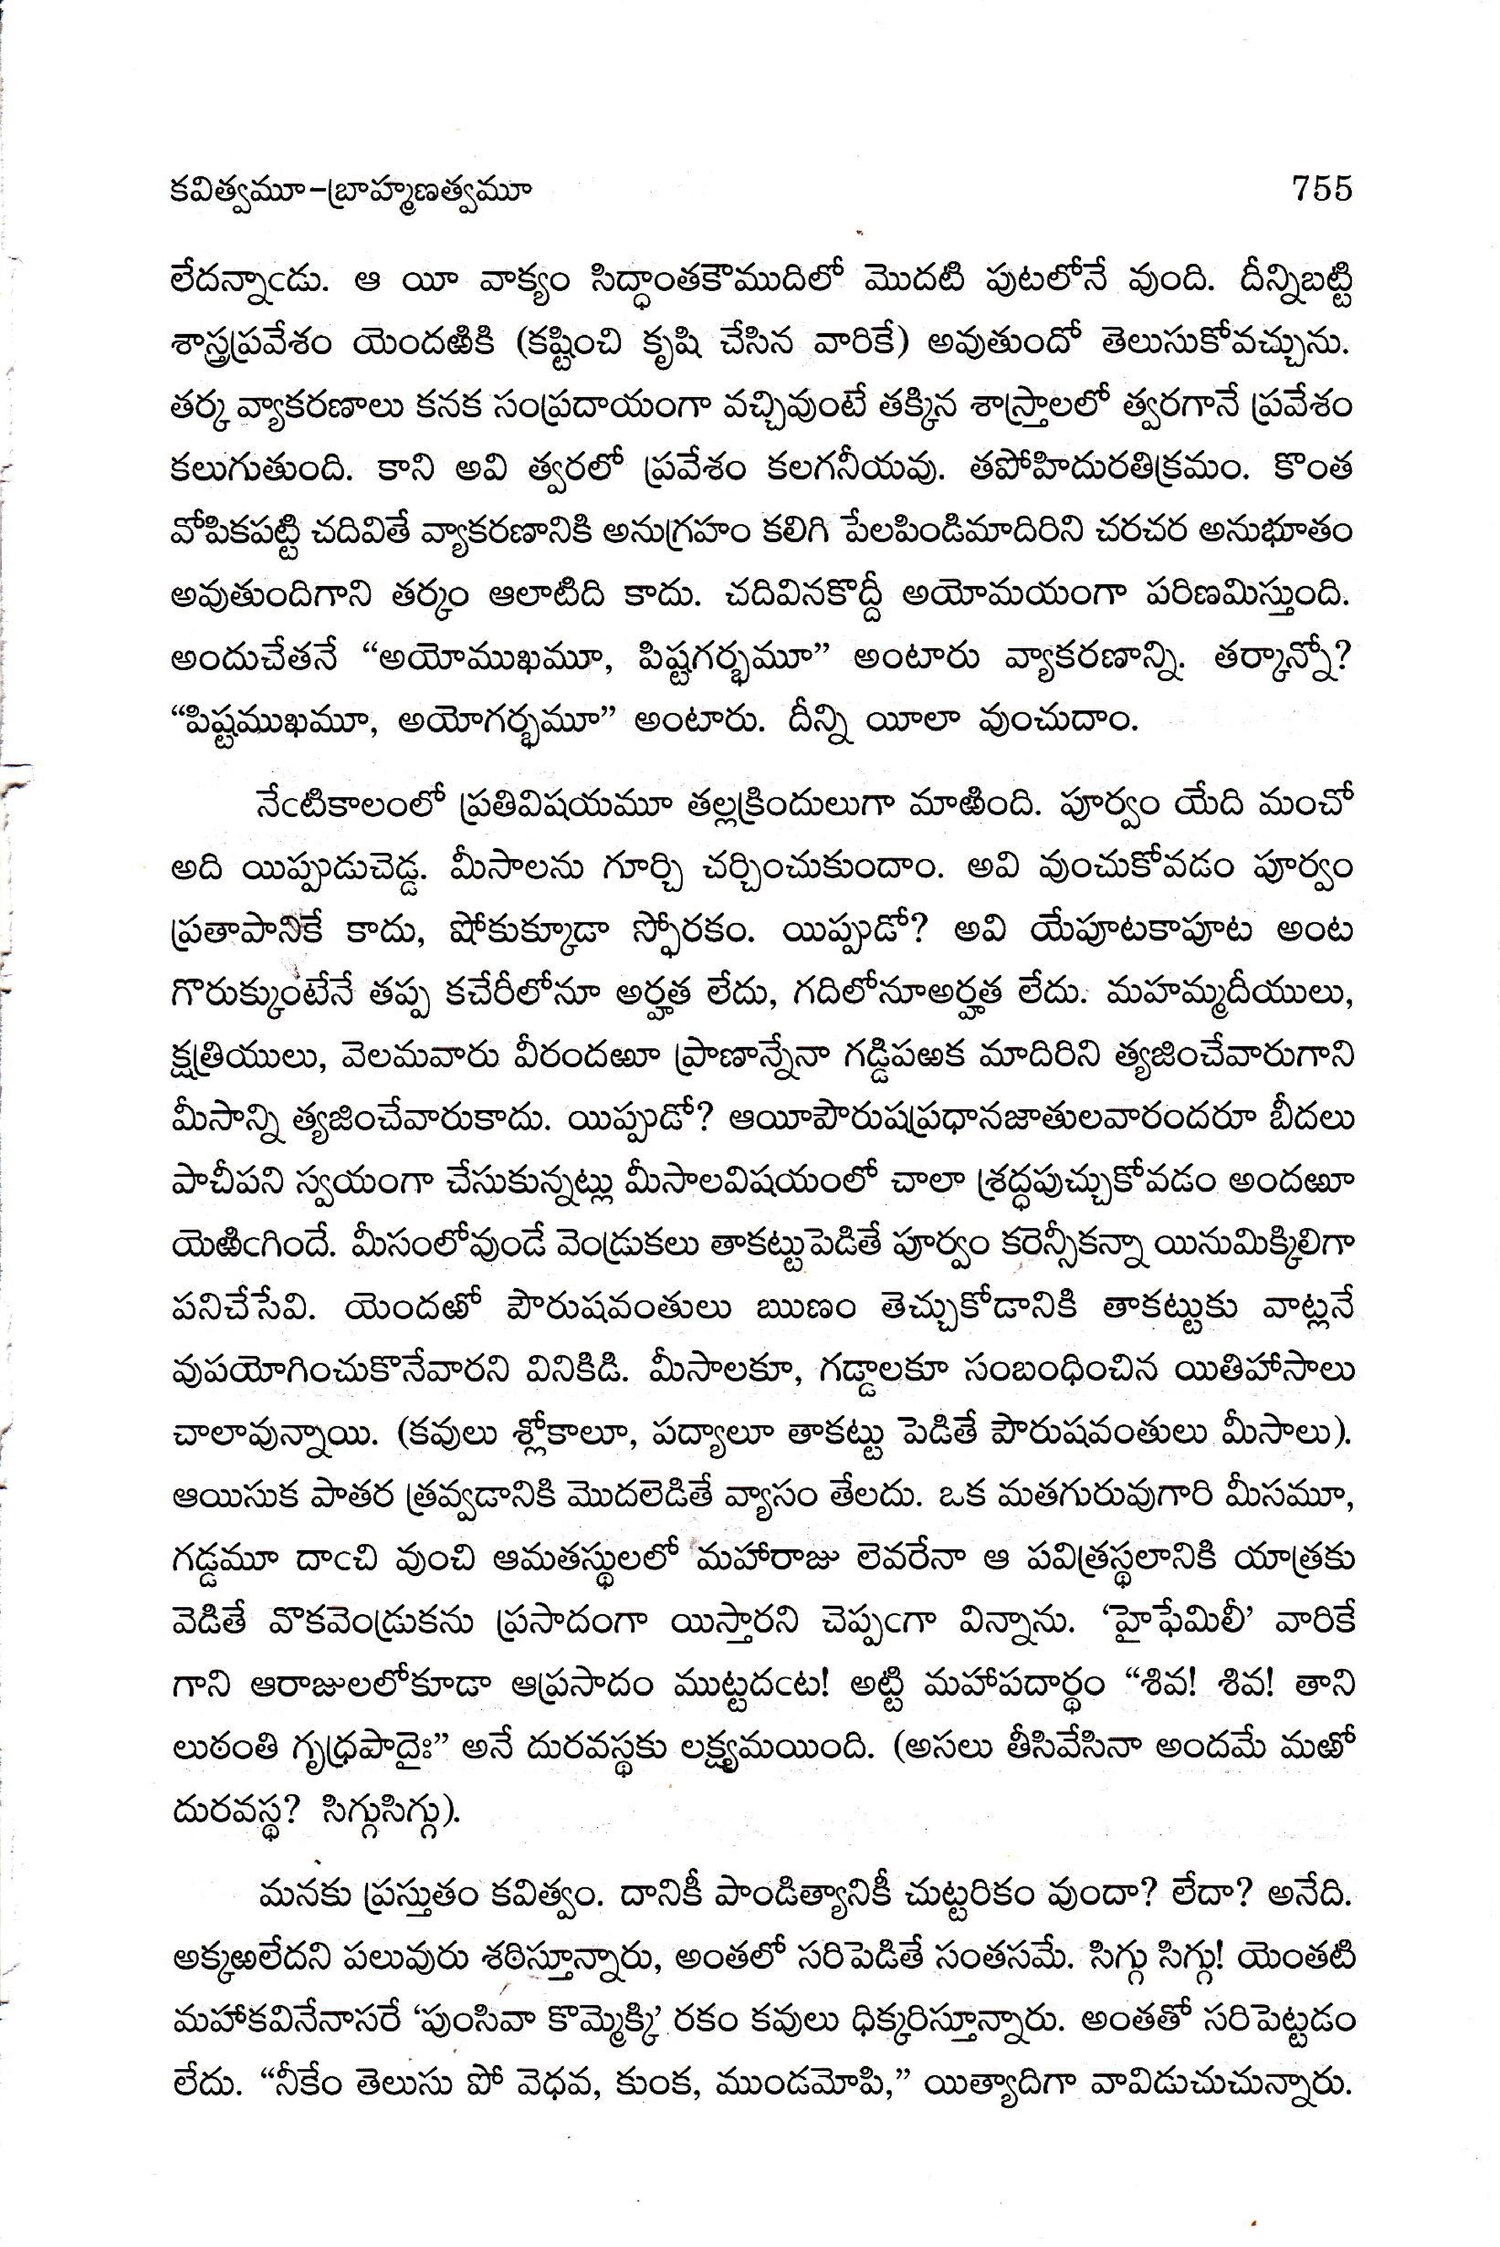లేదన్నాఁడు. ఆ యీ వాక్యం సిద్ధాంతకౌముదిలో మొదటి పుటలోనే వుంది. దీన్నిబట్టి శాస్త్రప్రవేశం యెందఱికి (కష్టించి కృషి చేసిన వారికే) అవుతుందో తెలుసుకోవచ్చును. తర్క వ్యాకరణాలు కనక సంప్రదాయంగా వచ్చివుంటే తక్కిన శాస్త్రాలలో త్వరగానే ప్రవేశం కలుగుతుంది. కాని అవి త్వరలో ప్రవేశం కలగనీయవు. తపోహిదురతిక్రమం. కొంత వోపికపట్టి చదివితే వ్యాకరణానికి అనుగ్రహం కలిగి పేలపిండిమాదిరిని చరచర అనుభూతం అవుతుందిగాని తర్కం ఆలాటిది కాదు. చదివినకొద్దీ అయోమయంగా పరిణమిస్తుంది. అందుచేతనే “అయోముఖమూ, పిష్టగర్భమూ” అంటారు వ్యాకరణాన్ని తర్కాన్నో? “పిష్టముఖమూ, అయోగర్భమూ" అంటారు. దీన్ని యీలా వుంచుదాం.

నేఁటికాలంలో ప్రతివిషయమూ తల్లక్రిందులుగా మాఱింది. పూర్వం యేది మంచో అది యిప్పుడుచెడ్డ. మీసాలను గూర్చి చర్చించుకుందాం. అవి వుంచుకోవడం పూర్వం ప్రతాపానికే కాదు, షోకుక్కూడా స్ఫోరకం. యిప్పుడో? అవి యేపూటకాపూట అంట గొరుక్కుంటేనే తప్ప కచేరీలోనూ అర్హత లేదు, గదిలోనూఅర్హత లేదు. మహమ్మదీయులు, క్షత్రియులు, వెలమవారు వీరందఱూ ప్రాణాన్నేనా గడ్డిపఱక మూదిరిని త్యజించేవారుగాని మీసాన్ని త్యజించేవారుకాదు. యిప్పుడో? ఆయీ పౌరుషప్రధానజాతులవారందరూ బీదలు పాచీపని స్వయంగా చేసుకున్నట్లు మీసాలవిషయంలో చాలా శ్రద్ధపుచ్చుకోవడం అందఱూ యెఱిఁగిందే. మీసంలోవుండే వెండ్రుకలు తాకట్టుపెడితే పూర్వం కరెన్సీకన్నాయినుమిక్కిలిగా పనిచేసేవి. యెందఱో పౌరుషవంతులు ఋణం తెచ్చుకోడానికి తాకట్టుకు వాట్లనే వుపయోగించుకొనేవారని వినికిడి. మీసాలకూ, గడ్డాలకూ సంబంధించిన యితిహాసాలు చాలావున్నాయి. (కవులు శ్లోకాలూ, పద్యాలూ తాకట్టు పెడితే పౌరుషవంతులు మీసాలు) ఆయిసుక పాతర త్రవ్వడానికి మొదలెడితే వ్యాసం తేలదు. ఒక మతగురువుగారి మీసమూ, గడ్డమూ దాఁచి వుంచి ఆమతస్థులలో మహారాజు లెవరేనా ఆ పవిత్రస్థలానికి యాత్రకు వెడితే వొకవెండ్రుకను ప్రసాదంగా యిస్తారని చెప్పఁగా విన్నాను. 'హైఫేమిలీ' వారికే గాని ఆరాజులలోకూడా ఆప్రసాదం ముట్టదఁట! అట్టి మహాపదార్థం "శివ! శివ! తాని లుఠంతి గృధ్రపాదైః" అనే దురవస్థకు లక్ష్యమయింది. (అసలు తీసివేసినా అందమే మఱో దురవస్థ? సిగ్గుసిగ్గు)

మనకు ప్రస్తుతం కవిత్వం. దానికీ పాండిత్యానికీ చుట్టరికం వుందా? లేదా? అనేది. అక్కఱలేదని పలువురు శఠిస్తూన్నారు, అంతలో సరిపెడితే సంతసమే. సిగ్గు సిగ్గు! యెంతటి మహాకవినేనాసరే 'పుంసివా కొమ్మెక్కి' రకం కవులు ధిక్కరిస్తూన్నారు. అంతతో సరిపెట్టడం లేదు. “నీకేం తెలుసు పో వెధవ, కుంక, ముండమోపి," యిత్యాదిగా వావిడుచుచున్నారు.